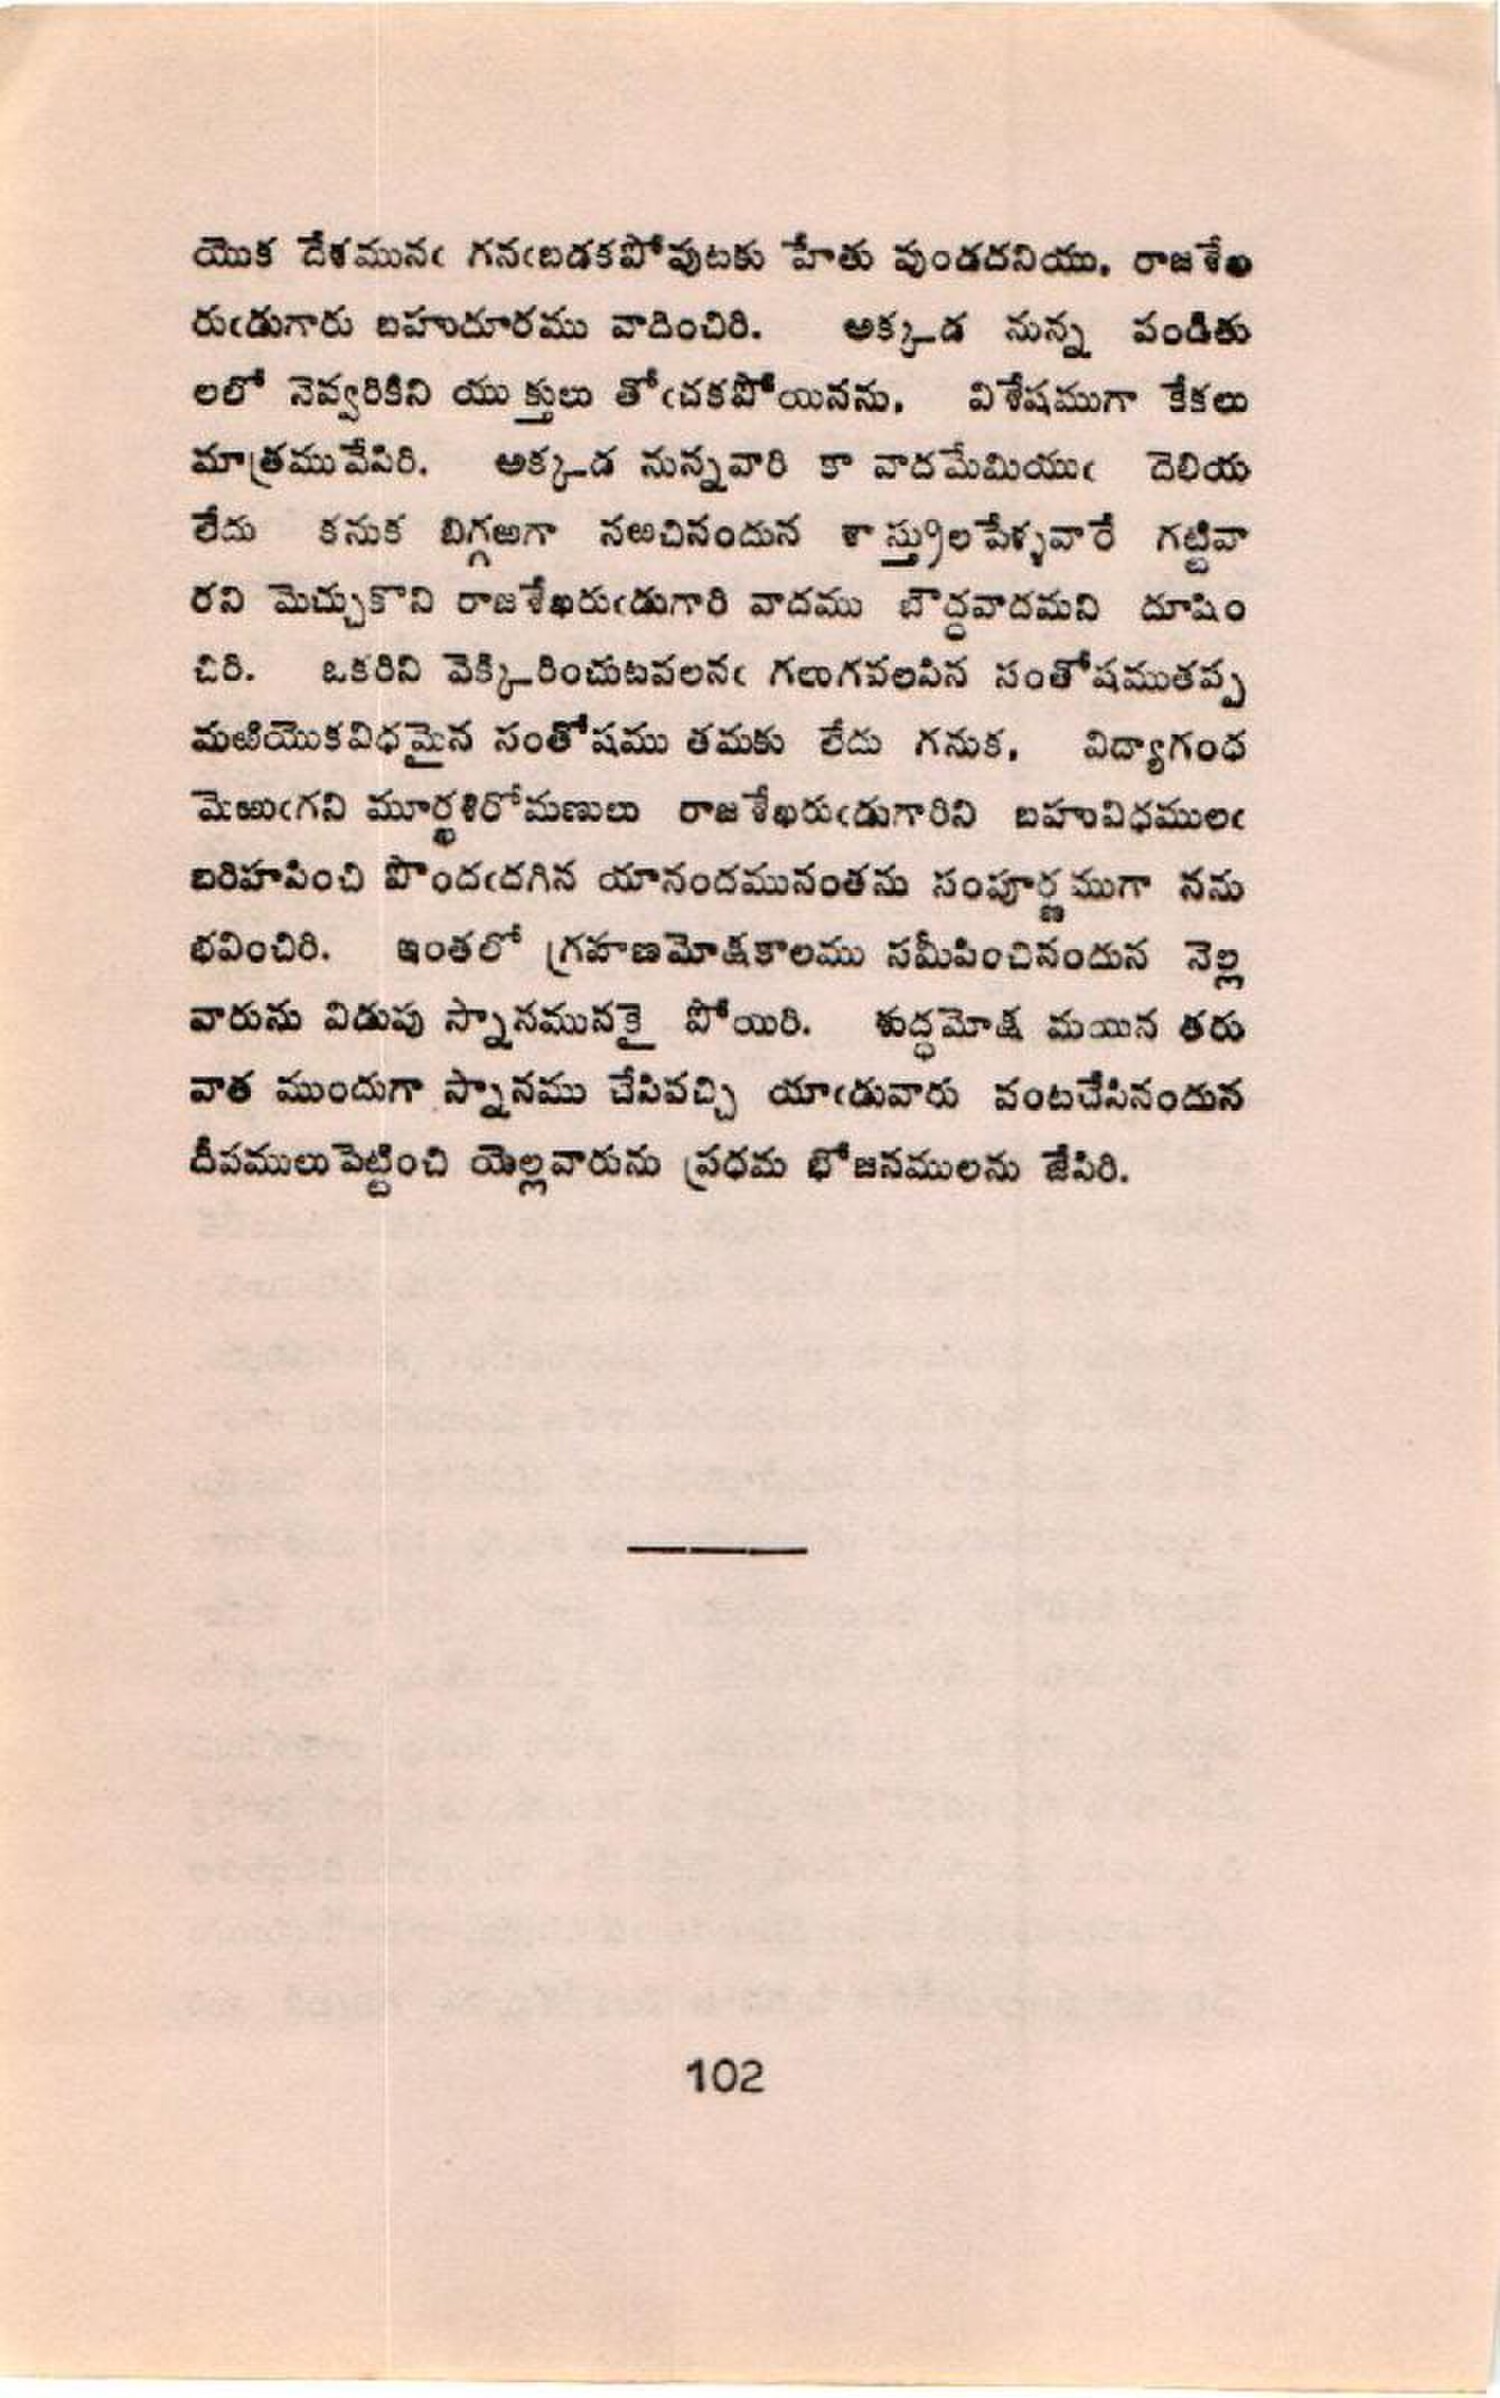యొక దేశమున గనబడకపోవుటకు హేతువుండదనియు, రాజశేఖరుఁడుగారు బహుదూరము వాదించిరి. అక్కడ నున్న పండితు లలో నెవ్వరికిని యుక్తులు తోఁచకపోయినను, విశేషముగా కేకలు మాత్రమువేసిరి. అక్కడ నున్నవారి కా వాదమేమియు లేదు కనుక బిగ్గఱగా నఱచినందున శాస్త్రుల పేళ్ళవారే గట్టివా రని మెచ్చుకొని రాజశేఖరుడుగారి వాదము బౌద్ధవాదమని దూషించిరి. ఒకరిని వెక్కిరించుటవలనఁ గలుగవలసిన సంతోషముతప్ప మఱియొకవిధమైన సంతోషము తమకు లేదు గనుక, విద్యాగంధ మెఱుగని మూర్ధశిరోమణులు రాజశేఖరుఁడుగారిని బహువిధముల బరిహసించి పొందదగిన యానందమునంతను సంపూర్ణముగా నను భవించిరి. ఇంతలో గ్రహణమోక్షకాలము సమీపించినందున నెల్ల వారును విడుపు స్నానమునకై పోయిరి. శుద్ధమోక్ష మయిన తరు వాత ముందుగా స్నానము చేసివచ్చి యాఁడువారు వంటచేసినందున దీపములు పెట్టించి యెల్లవారును ప్రధమ భోజనములను జేసిరి.